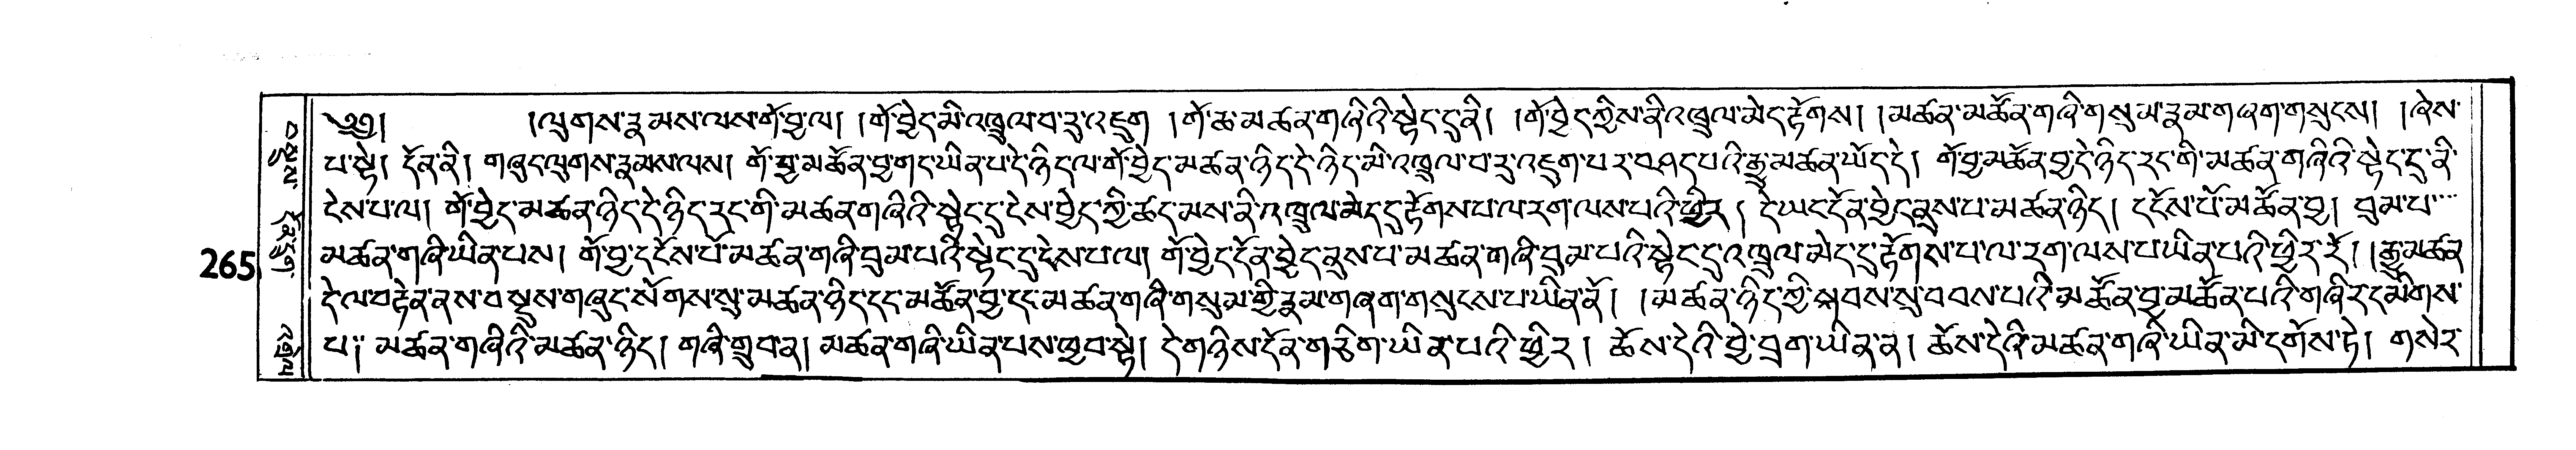༄༅། །ལུགས་རྣམས་ལས་གོ་བྱ་ལ། །གོ་བྱེད་མི་འཁྲུལ་བ་རུ་འཇུག །གོ་ཆ་མཚན་གཞིའི་སྟེང་དུ་ནི། །གོ་བྱེད་ཀྱིས་ནི་འཁྲུལ་མེད་རྟོགས། །མཚན་མཚོན་གཞི་གསུམ་རྣམ་གཞག་གསུངས། །ཞེས་
པ་སྟེ། དོན་ནི། གཞུང་ལུགས་རྣམས་ལས། གོ་བྱ་མཚོན་བྱ་གང་ཡིན་པ་དེ་ཉིད་ལ་གོ་བྱེད་མཚན་ཉིད་དེ་ཉིད་མི་འཁྲུལ་བ་རུ་འཇུག་པར་བཤད་པའི་རྒྱུ་མཚན་ཡོད་དེ། གོ་བྱ་མཚོན་བྱ་དེ་ཉིད་རང་གི་མཚན་གཞིའི་སྟེང་དུ་ནི་
ངེས་པ་ལ། གོ་བྱེད་མཚན་ཉིད་དེ་ཉིད་རང་གི་མཚན་གཞིའི་སྟེང་དུ་ངེས་བྱེད་ཀྱི་ཚད་མས་ནི་འཁྲུལ་མེད་དུ་རྟོགས་པ་ལ་རག་ལས་པའི་ཕྱིར། དེ་ཡང་དོན་བྱེད་ནུས་པ་མཚན་ཉིད། དངོས་པོ་མཚོན་བྱ། བུམ་པ་
མཚན་གཞི་ཡིན་པས། གོ་བྱ་དངོས་པོ་མཚན་གཞི་བུམ་པའི་སྟེང་དུ་ངེས་པ་ལ། གོ་བྱེད་དོན་བྱེད་ནུས་པ་མཚན་གཞི་བུམ་པའི་སྟེང་དུ་འཁྲུལ་མེད་དུ་རྟོགས་པ་ལ་རག་ལས་པ་ཡིན་པའི་ཕྱིར་རོ། །རྒྱུ་མཚན་
དེ་ལ་བརྟེན་ནས་བསྡུས་གཞུང་སོགས་སུ་མཚན་ཉིད་དང་མཚོན་བྱ་དང་མཚན་གཞི་གསུམ་གྱི་རྣམ་གཞག་གསུངས་པ་ཡིན་ནོ། །མཚན་ཉིད་ཀྱི་སྐབས་སུ་བབས་པའི་མཚོན་བྱ་མཚོན་པའི་གཞིར་དམིགས་
པ༑ མཚན་གཞིའི་མཚན་ཉིད། གཞི་གྲུབ་ན། མཚན་གཞི་ཡིན་པས་ཁྱབ་སྟེ། དེ་གཉིས་དོན་གཅིག་ཡིན་པའི་ཕྱིར། ཆོས་དེའི་བྱེ་བྲག་ཡིན་ན། ཆོས་དེའི་མཚན་གཞི་ཡིན་མི་དགོས་ཏེ། གསེར་